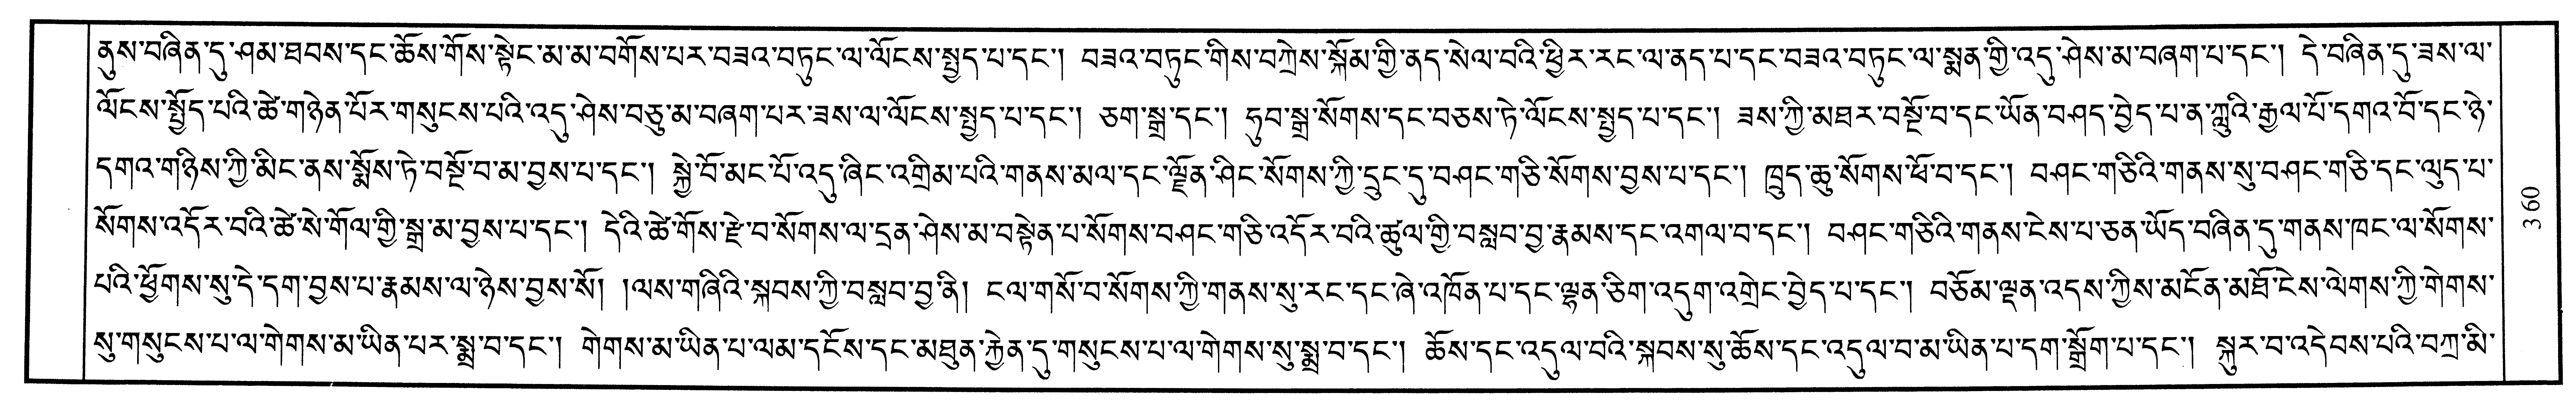ནུས་བཞིན་དུ་ཤམ་ཐབས་དང་ཆོས་གོས་སྟེང་མ་མ་བགོས་པར་བཟའ་བཏུང་ལ་ལོངས་སྤྱད་པ་དང་། བཟའ་བཏུང་གིས་བསྐྲེས་སྐོམ་གྱི་ནད་སེལ་བའི་ཕྱིར་རང་ལ་ནད་པ་དང་བཟའ་བཏུང་ལ་སྨན་གྱི་འདུ་ཤེས་མ་བཞག་པ་དང་། དེ་བཞིན་དུ་ཟས་ལ་
ལོངས་སྤྱོད་པའི་ཚེ་གཉེན་པོར་གསུངས་པའི་འདུ་ཤེས་བཅུ་མ་བཞག་པར་ཟས་ལ་ལོངས་སྤྱད་པ་དང་། ཅག་སྒྲ་དང་། ཧུབ་སྒྲ་སོགས་དང་བཅས་ཏེ་ལོངས་སྤྱད་པ་དང་། ཟས་ཀྱི་མཐར་བསྔོ་བ་དང་ཡོན་བཤད་བྱེད་པ་ན་ཀླུའི་རྒྱལ་པོ་དགའ་བོ་དང་ཉེ་
དགའ་གཉིས་ཀྱི་མིང་ནས་སྨོས་ཏེ་བསྔོ་བ་མ་བྱས་པ་དང་། སྐྱེ་བོ་མང་པོ་འདུ་ཞིང་འགྲིམ་པའི་གནས་མལ་དང་ལྗོན་ཤིང་སོགས་ཀྱི་དྲུང་དུ་བཤང་གཅི་སོགས་བྱས་པ་དང་། ཁྲུད་ཆུ་སོགས་ཕོ་བ་དང་། བཤང་གཅིའི་གནས་སུ་བཤང་གཅི་དང་ལུད་པ་
སོགས་འདོར་བའི་ཚེ་སེ་གོལ་གྱི་སྒྲ་མ་བྱས་པ་དང་། དེའི་ཚེ་གོས་རྫེ་བ་སོགས་ལ་དྲན་ཤེས་མ་བསྟེན་པ་སོགས་བཤང་གཅི་འདོར་བའི་ཚུལ་གྱི་བསླབ་བྱ་རྣམས་དང་འགལ་བ་དང་། བཤང་གཅིའི་གནས་ངེས་པ་ཅན་ཡོད་བཞིན་དུ་གནས་ཁང་ལ་སོགས་
པའི་ཕྱོགས་སུ་དེ་དག་བྱས་པ་རྣམས་ལ་ཉེས་བྱས་སོ། །ལས་གཞིའི་སྐབས་ཀྱི་བསླབ་བྱ་ནི། ངལ་གསོ་བ་སོགས་ཀྱི་གནས་སུ་རང་དང་ཞེ་འཁོན་པ་དང་ལྷན་ཅིག་འདུག་འགྲེང་བྱེད་པ་དང་། བཅོམ་ལྡན་འདས་ཀྱིས་མངོན་མཐོ་ངེས་ལེགས་ཀྱི་གེགས་
སུ་གསུངས་པ་ལ་གེགས་མ་ཡིན་པར་སྨྲ་བ་དང་། གེགས་མ་ཡིན་པ་ལམ་དངོས་དང་མཐུན་རྐྱེན་དུ་གསུངས་པ་ལ་གེགས་སུ་སྨྲ་བ་དང་། ཆོས་དང་འདུལ་བའི་སྐབས་སུ་ཆོས་དང་འདུལ་བ་མ་ཡིན་པ་དག་སྒྲོག་པ་དང་། སྐུར་བ་འདེབས་པའི་བཀྲ་མི་